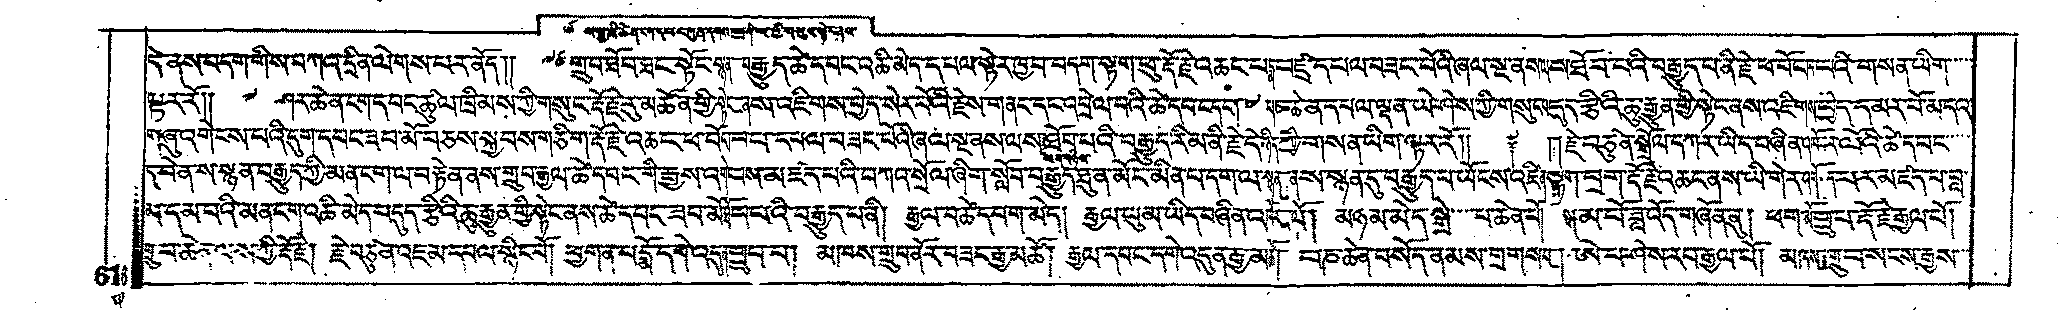དེ་ནས་བདག་གིས་བཀའ་དྲིན་ལེགས་པར་ནོད།། ༧་གྲུབ་ཐོབ་ཐང་སྟོང་སྙན་བརྒྱུད་ཚེ་དབང་འཆི་མེད་དཔལ་སྟེར་ཁྱབ་བདག་སྟག་ཕུ་རྡོ་རྗེ་འཆང་པདམ་བཛྲ་དཔལ་བཟང་པོའི་ཞལ་སྔ་ནས་ལས་ཐོབ་པའི་བརྒྱུད་པ་ནི་རྗེ་ཕ་བོང་ཁ་པའི་གསན་ཡིག་
ལྟར་རོ།། ༧་ཤར་ཆེན་ངག་དབང་ཚུལ་ཁྲིམས་ཀྱི་གསུང་རྡོ་རྗེ་རུ་མཚོན་གྱི་སྟེང་ནས་འཇིགས་བྱེད་སེར་པོའི་རྗེས་གནང་དང་འབྲེལ་བའི་ཚེ་དབང་དང་། ༧་པཎ་ཆེན་དཔལ་ལྡན་ཡེ་ཤེས་ཀྱི་གསུང་བདུད་རྩིའི་ཆུ་རྒྱུན་གྱི་སྟེང་ནས་འཇིགས་བྱེད་དམར་པོ་མདའ་
གཞུ་འགེངས་པའི་དུག་དབང་ཟབ་མོ་བཅས་སྐྱབས་གཅིག་རྡོ་རྗེ་འཆང་ཕ་བོང་ཁ་པ་དཔལ་བཟང་པོའི་ཞལ་སྔ་ནས་ལས་ལན་གཉིས་ཐོབ་པའི་བརྒྱུད་རིམ་ནི་རྗེ་དེ་ཉིད་ཀྱི་གསན་ཡིག་ལྟར་རོ།། འ་།།རྗེ་བཙུན་སྒྲོལ་དཀར་ཡིད་བཞིན་འཁོར་ལོའི་ཚེ་དབང་
དབེན་ས་སྙན་བརྒྱུད་ཀྱི་མན་ངག་ལ་བརྟེན་ནས་གྲུབ་རྒྱལ་ཚེ་དབང་གི་རྒྱས་འགེབས་མཛད་པའི་བཀའ་སྲོལ་ཞིག་སློབ་བརྒྱུད་ཐུན་མོང་མིན་པ་དག་ལ་སྙན་ནས་སྙན་དུ་བརྒྱུད་པ་ཡོངས་འཛིན་སྟག་བྲག་རྡོ་རྗེ་འཆང་ནས་ཡི་གེར་འགོད་པར་མཛད་པ་བླ་
མ་དམ་པའི་མན་ངག་འཆི་མེད་བདུད་རྩིའི་ཆུ་རྒྱུན་གྱི་སྟེང་ནས་ཚེ་དབང་ཟབ་མོ་ཐོབ་པའི་བརྒྱུད་པ་ནི། རྒྱལ་བ་ཚེ་དཔག་མེད། རྒྱལ་ཡུམ་ཡིད་བཞིན་འཁོར་ལོ། མཉམ་མེད་སྒྲེཔ་ཆེན་པོ། སྒམ་པོ་ཟླ་འོད་གཞོན་ནུ། ཕག་མོ་གྲུ་པ་རྡོ་རྗེ་རྒྱལ་པོ།
གྲུབ་ཆེན་ལས་ཀྱི་རྡོ་རྗེ། རྗེ་བཙུན་འཇམ་དཔལ་སྙིང་པོ། ཕྱག་ན་པདམོ་དགེ་འདུན་གྲུབ་པ། མཁས་གྲུབ་ནོར་བཟང་རྒྱ་མཚོ། རྒྱལ་དབང་དགེ་འདུན་རྒྱ་མཚོ། པཎ་ཆེན་བསོད་ནམས་གྲགས་པ། ཨེ་པ་ཤེས་རབ་རྒྱལ་པོ། མཁས་གྲུབ་སངས་རྒྱས་